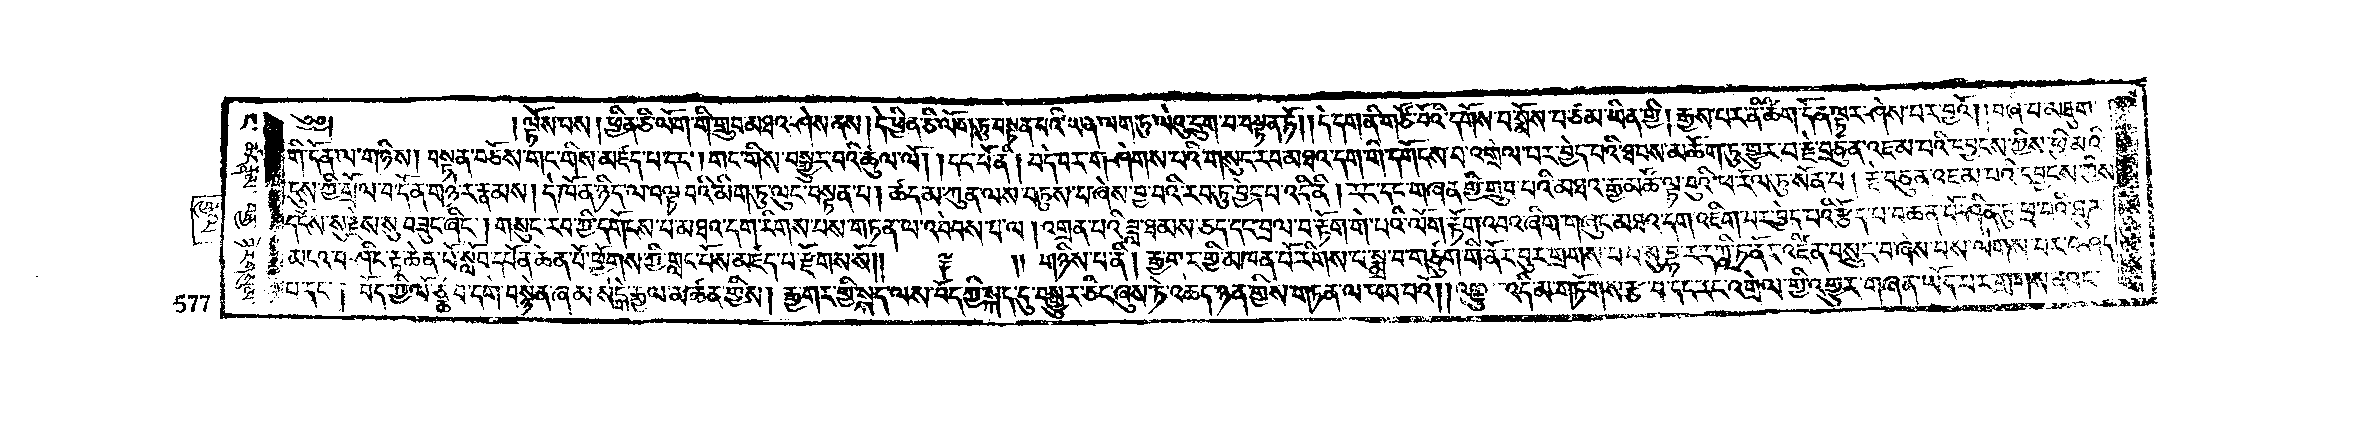༄༅། །ལྟོས་པས། ཕྱིན་ཅི་ལོག་གི་གྲུབ་མཐའ་ཤེས་ནས། དེ་ཕྱིན་ཅི་ལོག་ཏུ་བསྟན་པའི་ཡན་ལག་ཏུ་ལེའུ་དྲུག་པ་བསྟན་ཏོ། །དེ་དག་ནི་གཙོ་བོའི་དགོས་པ་སྨོས་པ་ཙམ་ཡིན་གྱི་།རྒྱས་པར་ནི་ཚིག་དོན་ལྟར་ཤེས་པར་བྱའོ། །བཞི་པ་མཐུག་
གི་དོན་ལ་གཉིས། བསྟན་བཅོས་གང་གིས་མཛད་པ་དང་། གང་གིས་བསྒྱུར་པའི་ཚུལ་ལོ། །དང་པོ་ནི། བདེ་བར་གཤེགས་པའི་གསུང་རབ་མཐའ་དག་གི་དགོངས་པ་འགྲེལ་པར་བྱེད་པའི་ཐབས་མཆོག་ཏུ་གྱུར་པ་རྗེ་བཙུན་འཇམ་པའི་དབྱངས་ཀྱིས་ཕྱི་མིའི་
དུས་ཀྱི་གྲོལ་བ་དོན་གཉེར་རྣམས། དེ་ཁོ་ན་ཉིད་ལ་བལྟ་བའི་མིག་ཏུ་ལུང་བསྟན་པ། ཚད་མ་ཀུན་ལས་བཏུས་པ་ཞེས་བྱ་བའི་རབ་ཏུ་བྱེད་པ་འདི་ནི། རང་དང་གཞན་གྱི་གྲུབ་པའི་མཐའ་རྒྱ་མཚོ་ལྟ་བུའི་ཕ་རོལ་ཏུ་སོན་པ། རྗེ་བཙུན་འཇམ་པའི་དབྱངས་ཀྱིས་
དངོས་སུ་རྗེས་སུ་བཟུང་ཞིང་། གསུང་རབ་ཀྱི་དགོངས་པ་མཐའ་དག་རིགས་པས་གཏན་པ་འབེབས་པ་ལ། འགྲན་པའི་ཟླ་ཐམས་ཅད་དང་བྲལ་བ་རྟོག་གེ་པའི་ལོག་རྟོག་འབའ་ཞིག་གཞུང་མཐའ་དག་འཇིག་པར་བྱེད་པའི་རྩོད་པ་བ་ཆན་པོ་ཤིན་ཏུ་ཕྲ་བའི་ཐུགས་
མངའ་བ་ཤིང་རྟ་ཆེན་པོ་སློབ་དཔོན་ཆེན་པོ་ཕྱོགས་ཀྱི་གླང་པོས་མཛད་པ་རྫོགས་སོ།། ༈ །།གཉིས་པ་ནི། རྒྱ་གར་གྱི་མཁན་པོ་རིགས་པ་སྨྲ་བ་གཙུག་གི་ནོར་བུར་གྲགས་པ་བ་སུ་བྷ་ར་རཀཥི་ཏ་ནོར་འཛིན་བསྲུང་བ་ཞེས་པས་ལེགས་པར་བཤད་
པ་དང་། བོད་ཀྱི་ལོ་ཙྪ་བ་དགེ་བསྙེན་ཞེ?་མ?་སེངགེ་རྒྱལ་མཚན་གྱིས། རྒྱ་གར་གྱི་སྐད་ལས་བོད་ཀྱི་སྐད་དུ་བསྒྱུར་ཅིང་ཞུས་ཏེ་འཆད་ཉན་གྱིས་གཏན་ལ་ཕབ་པའོ། །འགྱུར་འདི་མ་གཏོགས་རྩ་བ་དང་རང་འགྲེལ་གྱི་འགྱུར་གཞན་ཡོད་པར་གྲགས་ནའང་